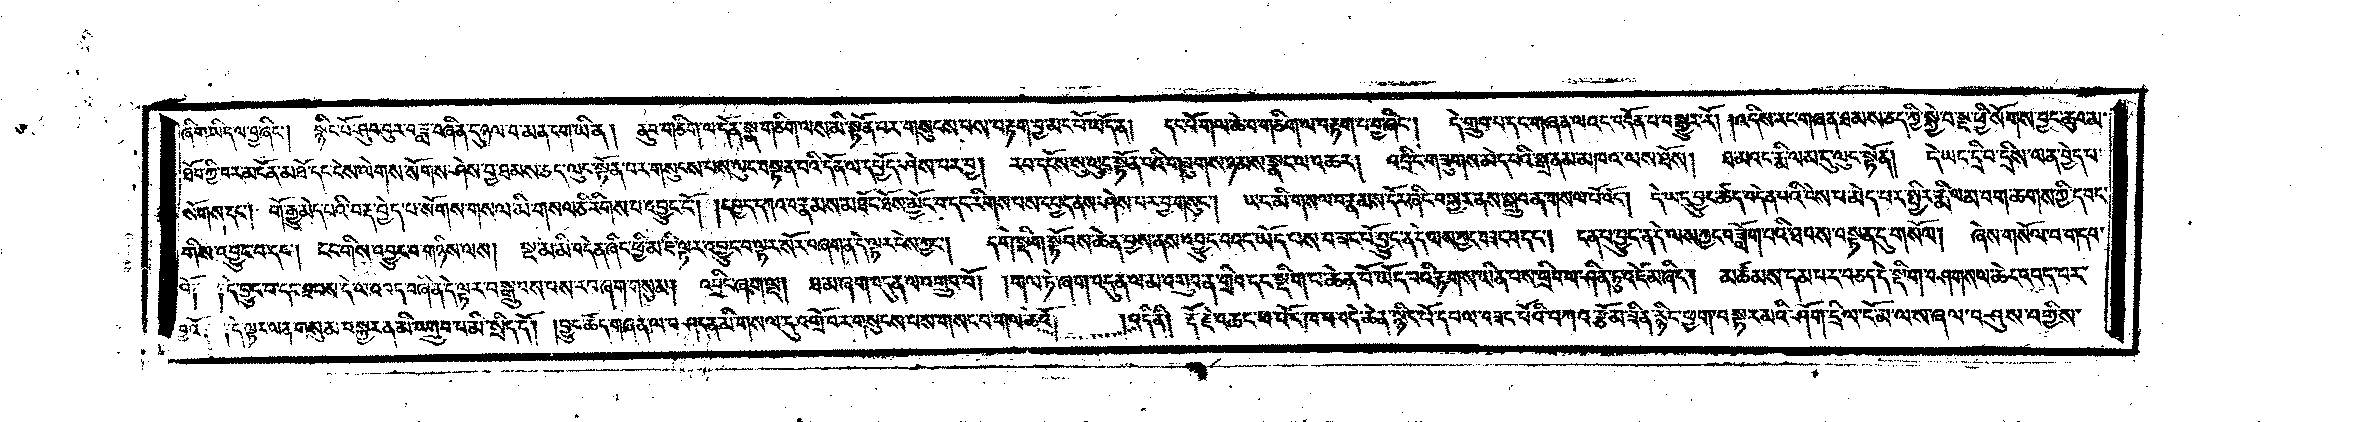ཞིག་ཡིད་ལ་བྱ་ཞིང་། སྙིང་པོ་ཤུབ་བུར་བཟླ་བཞིན་དུ་ཉལ་བ་མན་ངག་ཡིན། ནུབ་གཅིག་ལ་དོན་སྣ་གཅིག་ལས་མི་སྟོན་པར་གསུངས་པས་བརྟག་བྱ་མང་པོ་ཡོད་ན། དང་པོ་གལ་ཆེ་བ་གཅིག་ལ་བརྟག་པ་བྱ་ཞིང་། དེ་གྲུབ་པ་དང་གཞན་ལའང་འདོན་པ་བསྒྱུར་རོ། །འདིས་རང་གཞན་ཐམས་ཅད་ཀྱི་སྐྱེ་བ་སྔ་ཕྱི་སོགས་བྱང་ཆུབ་མ་
ཐོབ་ཀྱི་བར་མངོན་མཐོ་དང་ངེས་ལེགས་སོགས་ཤེས་བྱ་ཐམས་ཅད་ལུང་སྟོན་པར་གསུངས་པས་ལུང་བསྟན་པའི་དོན་ལ་དཔྱོད་ཤེས་པར་བྱ། རབ་དངོས་སུ་ལུང་སྟོན་པའི་གཟུགས་ཉམས་སྣང་ལ་འཆར། འབྲིང་གཟུགས་མེད་པའི་སྒྲ་ནམ་མཁའ་ལས་ཐོས། ཐ་མའང་རྨི་ལམ་དུ་ལུང་སྟོན། དེ་ཡང་དྲི་བ་དྲིས་ལན་བྱེད་པ་
སོགས་དང་། གོ་རྒྱུ་མེད་པའི་བརྡ་བྱེད་པ་སོགས་གསལ་མི་གསལ་ཅི་རིགས་པ་འབྱུང་ངོ། །དཔྱད་དཀའ་བ་རྣམས་མཐོང་ཐོས་མྱོང་བ་དང་རིགས་པས་དཔྱད་ནས་ཤེས་པར་བྱ་གསུང་། ཡང་མི་གསལ་བ་རྣམས་དོར་ཞིང་བསྐྱར་ནས་སྒྲུབ་ན་གསལ་པོ་འོང་། དེ་ཡང་བྱུང་ཚད་བདེན་པའི་ངེས་པ་མེད་པར་སྤྱིར་རྨི་ལམ་བག་ཆགས་ཀྱི་དབང་
གིས་འབྱུང་བ་དང་། ངང་གིས་འབྱུང་བ་གཉིས་ལས། སྔ་མ་མི་བདེན་ཞིང་ཕྱི་མ་ཇི་ལྟར་འབྱུང་བ་ལྟར་སོར་བཞག་ན་དེ་ལྟར་ངེས་ཀྱང་། དགེ་སྡིག་སྟོབས་ཆེན་བྱས་ནས་འབྱུང་བའང་ཡོད་པས་བཟང་པོ་བྱུང་ན་དེ་ལས་ཀྱང་བཟང་བ་དང་། ངན་པ་བྱུང་ན་དེ་ལས་ཀྱང་བཟློག་པའི་ཐབས་བསྟན་དུ་གསོལ། ཞེས་གསོལ་བ་གདབ་
བོ༑ ༑དེ་བྱུང་བ་དང་ཐབས་དེ་ལ་འབད་བཞིན་དེ་ལྟར་བསྒྲུབས་པས་རབ་ཞག་གསུམ། འབྲིང་ཞག་ལྔ། ཐ་མ་ཞག་བདུན་ལ་འགྲུབ་བོ། །གལ་ཏེ་ཞག་འདུན་ལ་མ་འགྲུབ་ན་གྲིབ་དང་སྡིག་པ་ཆེན་པོ་ཡོད་པའི་རྟགས་ཡིན་པས་གྲིབ་ལ་ཤིན་ཏུ་འཛེམ་ཞིང་། མཚམས་དམ་པར་བཅད་དེ་སྡིག་བཤགས་ལ་ཆེར་འབད་པར་
བྱའོ༑ ༑དེ་ལྟར་ལན་གསུམ་བསྐྱར་ན་མི་འགྲུབ་པ་མི་སྲིད་དོ། །བྱུང་ཚོད་གཞན་ལ་བཤད་ན་མི་གསལ་དུ་འགྲོ་བར་གསུངས་པས་གསང་བ་གལ་ཆེའོ། །འདི་ནི། རྡོ་རྗེ་འཆང་ཕ་བོང་ཁ་པ་བདེ་ཆེན་སྙིང་པོ་དཔལ་བཟང་པོའི་བཀའ་རྩོམ་ཟིན་རྙིང་ཕྱག་བསྟར་མའི་ཤོག་དྲིལ་ངོ་མ་ལས་ཞལ་བཤུས་བགསས་